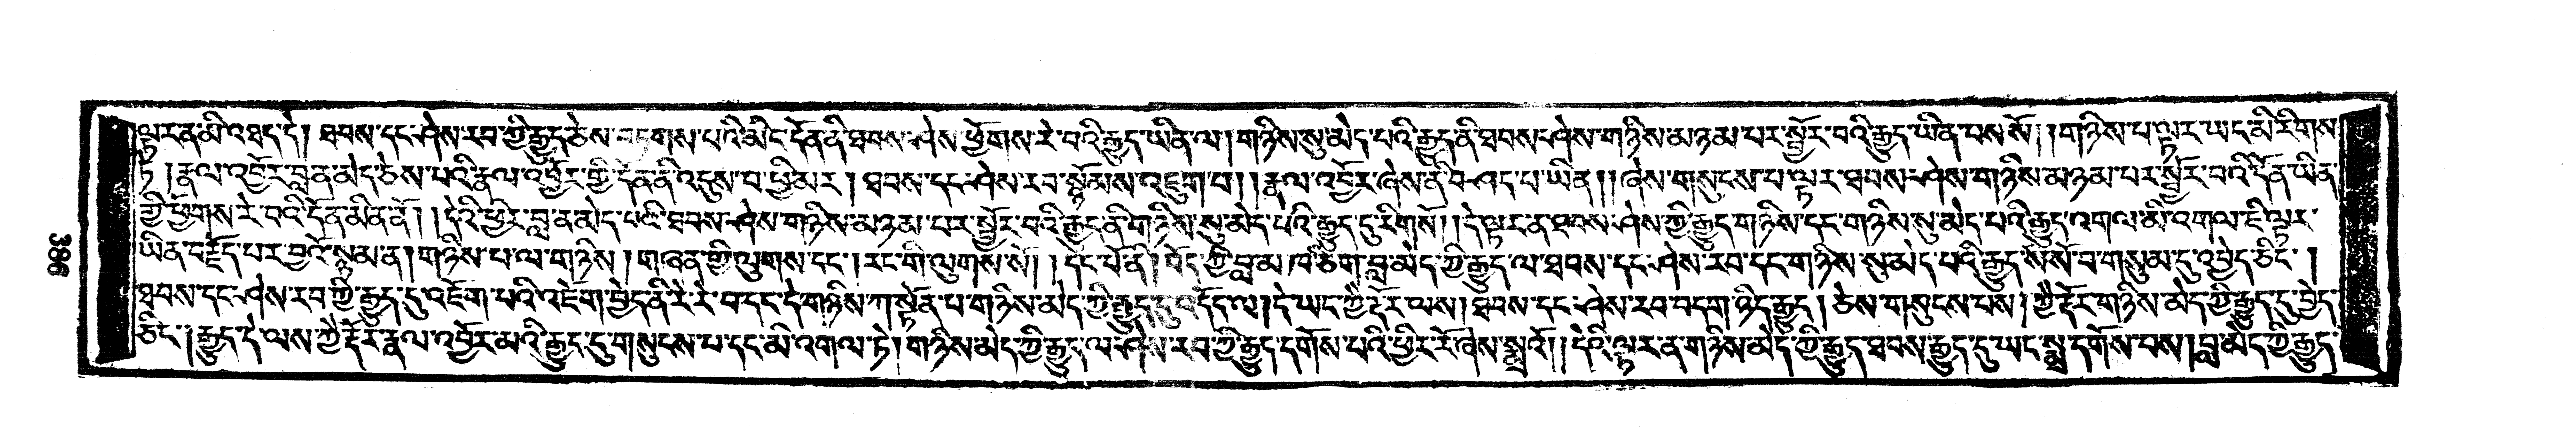ལྟར་ན་མི་འཐད་དེ། ཐབས་དང་ཤེས་རབ་ཀྱི་རྒྱུད་ཅེས་བཏགས་པའི་མིང་དོན་ནི་ཐབས་ཤེས་ཕྱོགས་རེ་བའི་རྒྱུད་ཡིན་ལ། གཉིས་སུ་མེད་པའི་རྒྱུད་ནི་ཐབས་ཤེས་གཉིས་མཉམ་པར་སྦྱོར་བའི་རྒྱུད་ཡིན་པས་སོ། །གཉིས་པ་ལྟར་ཡང་མི་རིགས་
ཏེ། རྣལ་འབྱོར་བླ་ན་མེད་ཅེས་པའི་རྣལ་འབྱོར་གྱི་དོན་ནི་འདུས་པ་ཕྱིར་མར། ཐབས་དང་ཤེས་རབ་སྙོམས་འཇུག་པ། །རྣལ་འབྱོར་ཞེས་ནི་བཤད་པ་ཡིན། །ཞེས་གསུངས་པ་ལྟར་ཐབས་ཤེས་གཉིས་མཉམ་པར་སྦྱོར་བའི་དོན་ཡིན་
གྱི་ཕྱོགས་རེ་བའི་དོན་མིན་ནོ། །དེའི་ཕྱིར་བླ་ན་མེད་པའི་ཐབས་ཤེས་གཉིས་མཉམ་པར་སྦྱོར་བའི་རྒྱུད་ནི་གཉིས་སུ་མེད་པའི་རྒྱུད་དུ་རིགས་སོ། །དེ་ལྟར་ན་ཐབས་ཤེས་ཀྱི་རྒྱུད་གཉིས་དང་གཉིས་སུ་མེད་པའི་རྒྱུད་འགལ་མི་འགལ་ཇི་ལྟར་
ཡིན་བརྗོད་པར་བྱའོ་སྙམ་ན། གཉིས་པ་ལ་གཉིས། གཞན་གྱི་ལུགས་དང་། རང་གི་ལུགས་སོ། །དང་པོ་ནི། བོད་ཀྱི་བླ་མ་ཁ་ཅིག་བླ་མེད་ཀྱི་རྒྱུད་ལ་ཐབས་དང་ཤེས་རབ་དང་གཉིས་སུ་མེད་པའི་རྒྱུད་སོ་སོ་བ་གསུམ་དུ་འབྱེད་ཅིང་།
ཐབས་དང་ཤེས་རབ་ཀྱི་རྒྱུད་དུ་འཇོག་པའི་འཇོག་བྱེད་ནི་རེ་རེ་བ་དང་དེ་གཉིས་ཀ་སྟོན་པ་གཉིས་མེད་ཀྱི་རྒྱུད་དུ་འདོད་ལ། དེ་ཡང་ཀྱཻ་རྡོར་ལས། ཐབས་དང་ཤེས་རབ་བདག་ཉིད་རྒྱུད། ཅེས་གསུངས་པས། ཀྱཻ་རྡོར་གཉིས་མེད་ཀྱི་རྒྱུད་དུ་བྱེད་
ཅིང་། རྒྱུད་དེ་ལས་ཀྱཻ་རྡོར་རྣལ་འབྱོར་མའི་རྒྱུད་དུ་གསུངས་པ་དང་མི་འགལ་ཏེ། གཉིས་མེད་ཀྱི་རྒྱུད་ལ་ཤེས་རབ་ཀྱི་རྒྱུད་དགོས་པའི་ཕྱིར་རོ་ཞེས་སྨྲའོ། །དེའི་ལྟར་ན་གཉིས་མེད་ཀྱི་རྒྱུད་ཐབས་རྒྱུད་དུ་ཡང་སྨྲ་དགོས་པས། བླ་མེད་ཀྱི་རྒྱུད་